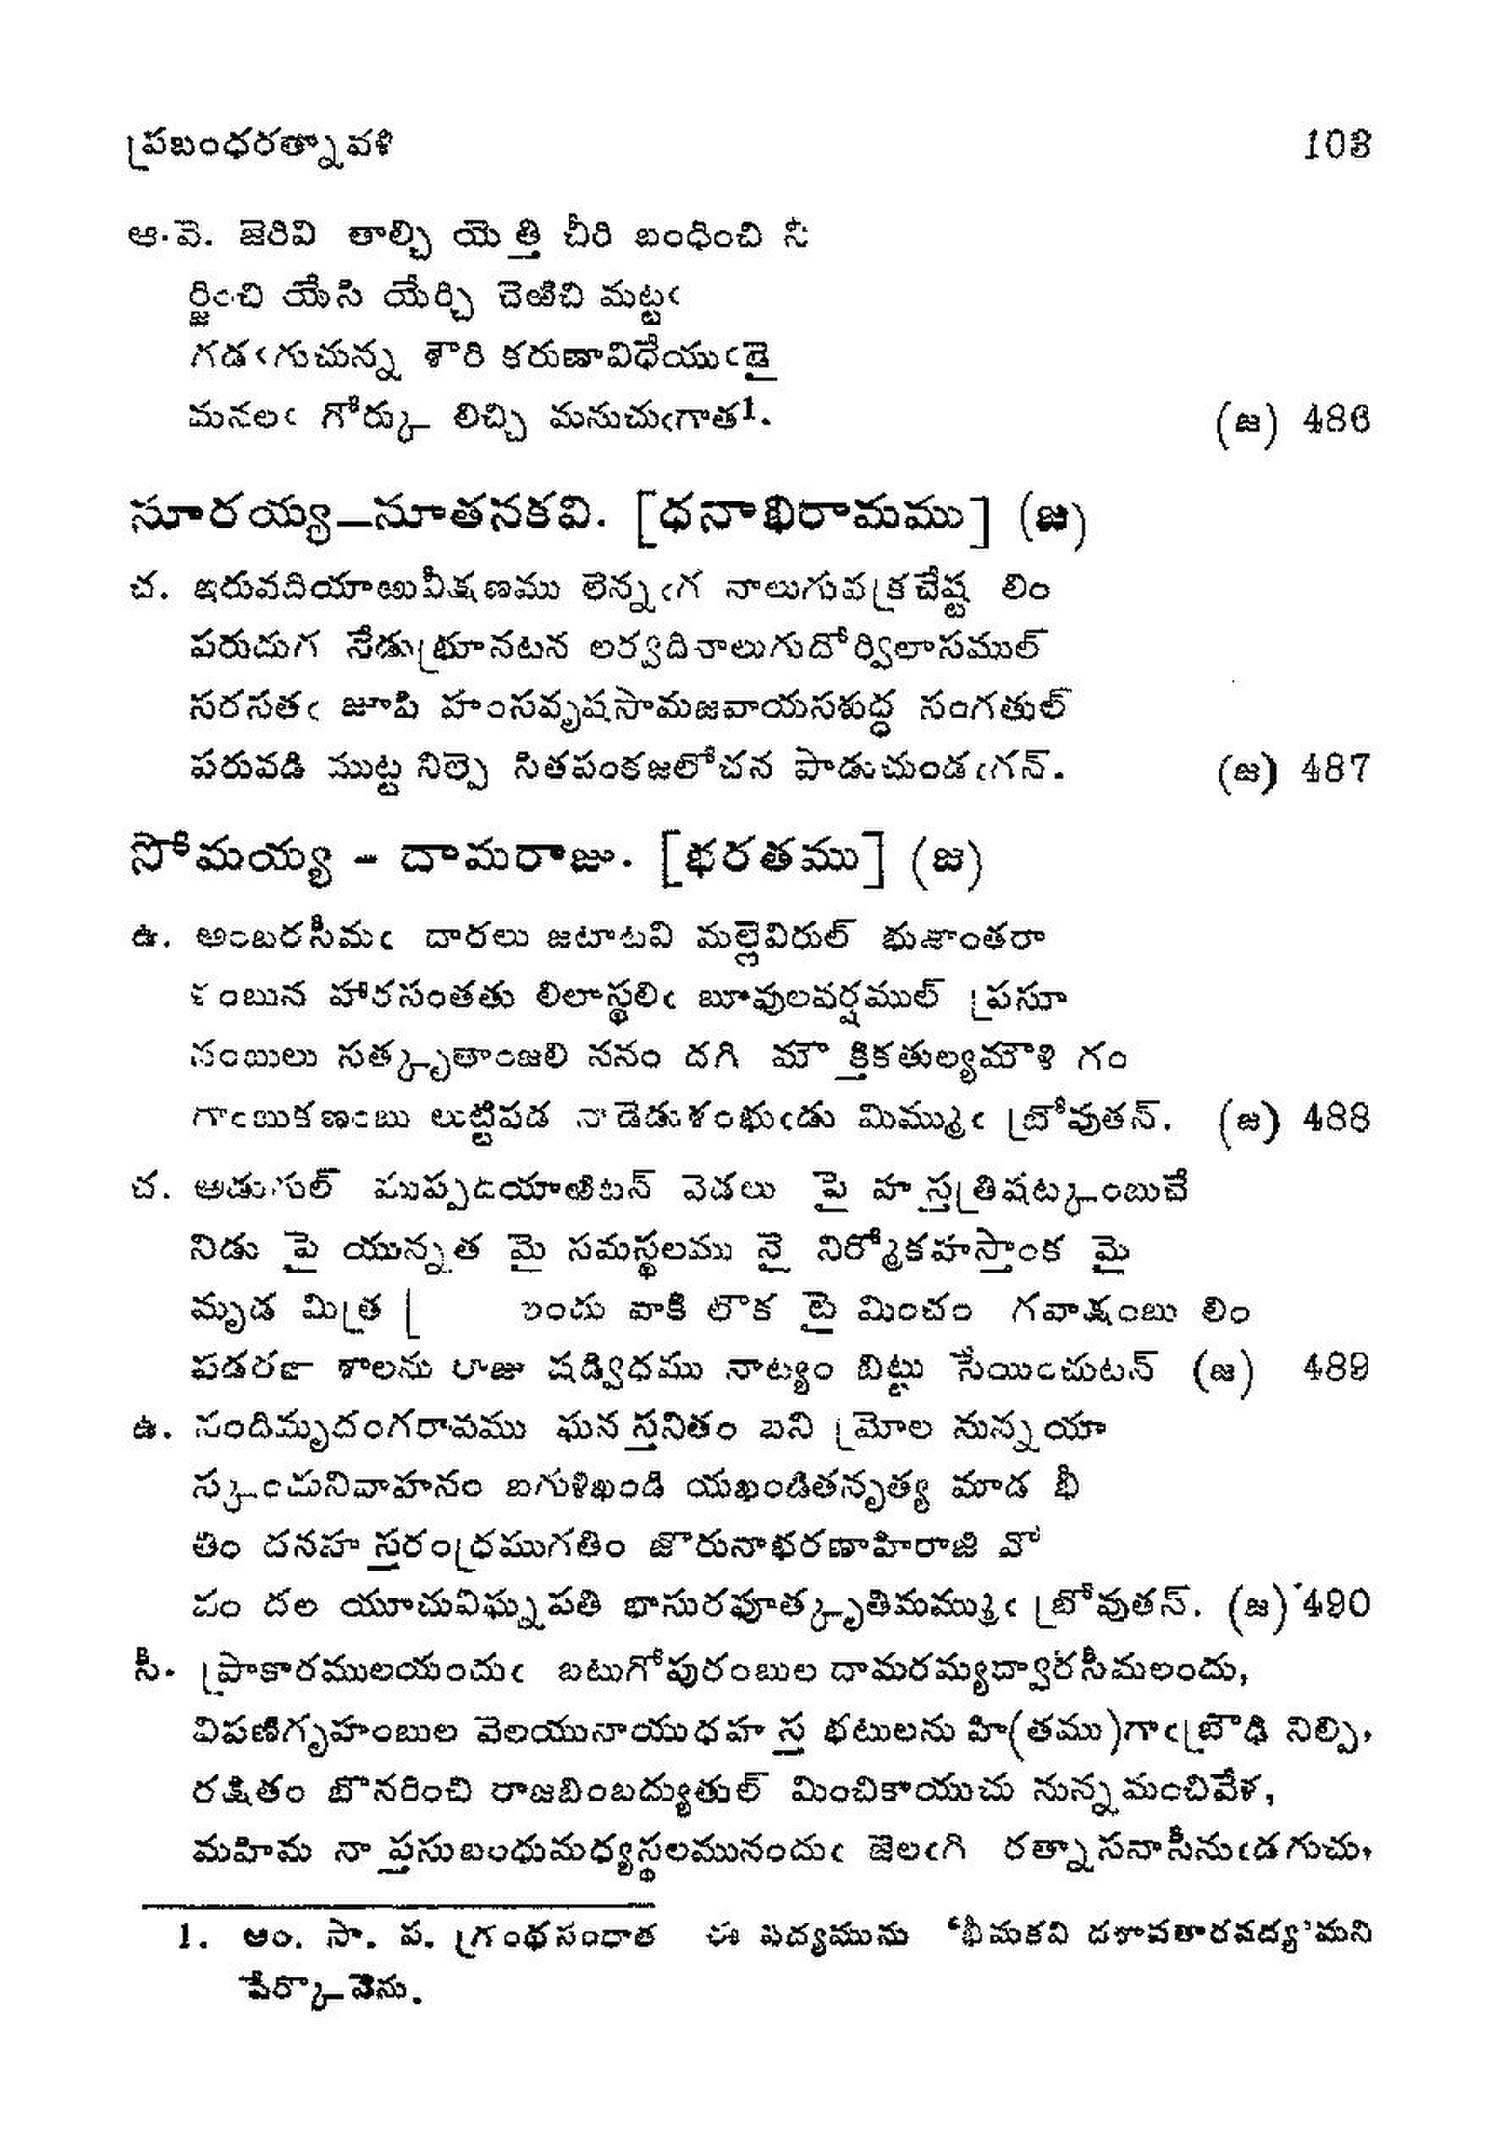ఆ. జెరివి తాల్చి యెత్తి చీరి బంధించి ని
ర్జించి యేసి యేర్చి చెఱిచి మట్టఁ
గడఁగచున్న శౌరి కరుణావిధేయుఁడై
మనలఁ గోర్కులిచ్చి మనుచుఁగాత. (జ) 486

సూరయ్య, నూతనకవి [ధనాభిరామము] (జ)
చ. ఇరువదియాఱు వీక్షణములెన్నఁగ నాలుగు వక్రచేష్ట లిం
పరుదుగ నేడు భ్రూనటన లర్వదినాలుగు దోర్విలాసముల్
సరసతఁ జూపి హంస వృష సామజ వాయస శుద్ధ సంగతుల్
పరువడి ముట్ట నిల్పె సితపంకజలోచన పాడుచుండఁగన్. (జ) 487

సోమయ్య, దామరాజు [భరతము] (జ)
ఉ. అంబరసీమఁ దారలు జటాటవి మల్లెవిరుల్ భుజాంతరా
ళంబున హారసంతతు లిలాస్థలిఁ బూవులవర్షముల్ ప్రసూ
నంబులు సత్కృతాంజలి ననం దగి మౌక్తికతుల్యమౌళి గం
గాంబుకణంబు లుట్టిపడ నాడెడుశంభుఁడు మిమ్ముఁ బ్రోవుతన్. (జ) 488

మ. అడుగుల్ ముప్పదియాఱిటన్ వెడలు పై హస్తత్రిషట్కంబుచే
నిడుపై యున్నతమై సమస్థలమునై నిర్మోకహస్తాంకమై
మృడ మిత్ర [?] పులందు వాకిలొకటై మించం గవాక్షంబు లిం
పడరన్ శాలను రాజు షడ్విధము నాట్యంబిట్టు సేయించుటన్. (జ) 489

ఉ. నంది మృదంగరావము ఘనస్తనితంబని మ్రోల నున్న యా
స్కందుని వాహనంబగు శిఖండి యఖండితనృత్యమాడ భీ
తిం దన హస్తరంధ్రముగతిం జొరునాభరణాహిరాజి వో
వం దలయూచువిఘ్నపతి భాసురపూత్కృతి మమ్ముఁ బ్రోవుతన్. (జ) 490

సీ. ప్రాకారములయందుఁ బటుగోపురంబుల దామరమ్యద్వారసీమలందు
విపణిగృహంబుల వెలయునాయుధహస్తభటులను హి[తము]గాఁ బ్రౌఢి నిల్పి
రక్షితంబొనరించి రాజబింబ ద్యుతుల్ మించికాయుచు నున్న మంచివేళ
మహిమ నాప్తసుబంధుమధ్యస్థలమునందుఁ జెలఁగి రత్నాసనాసీనుఁడగుచు